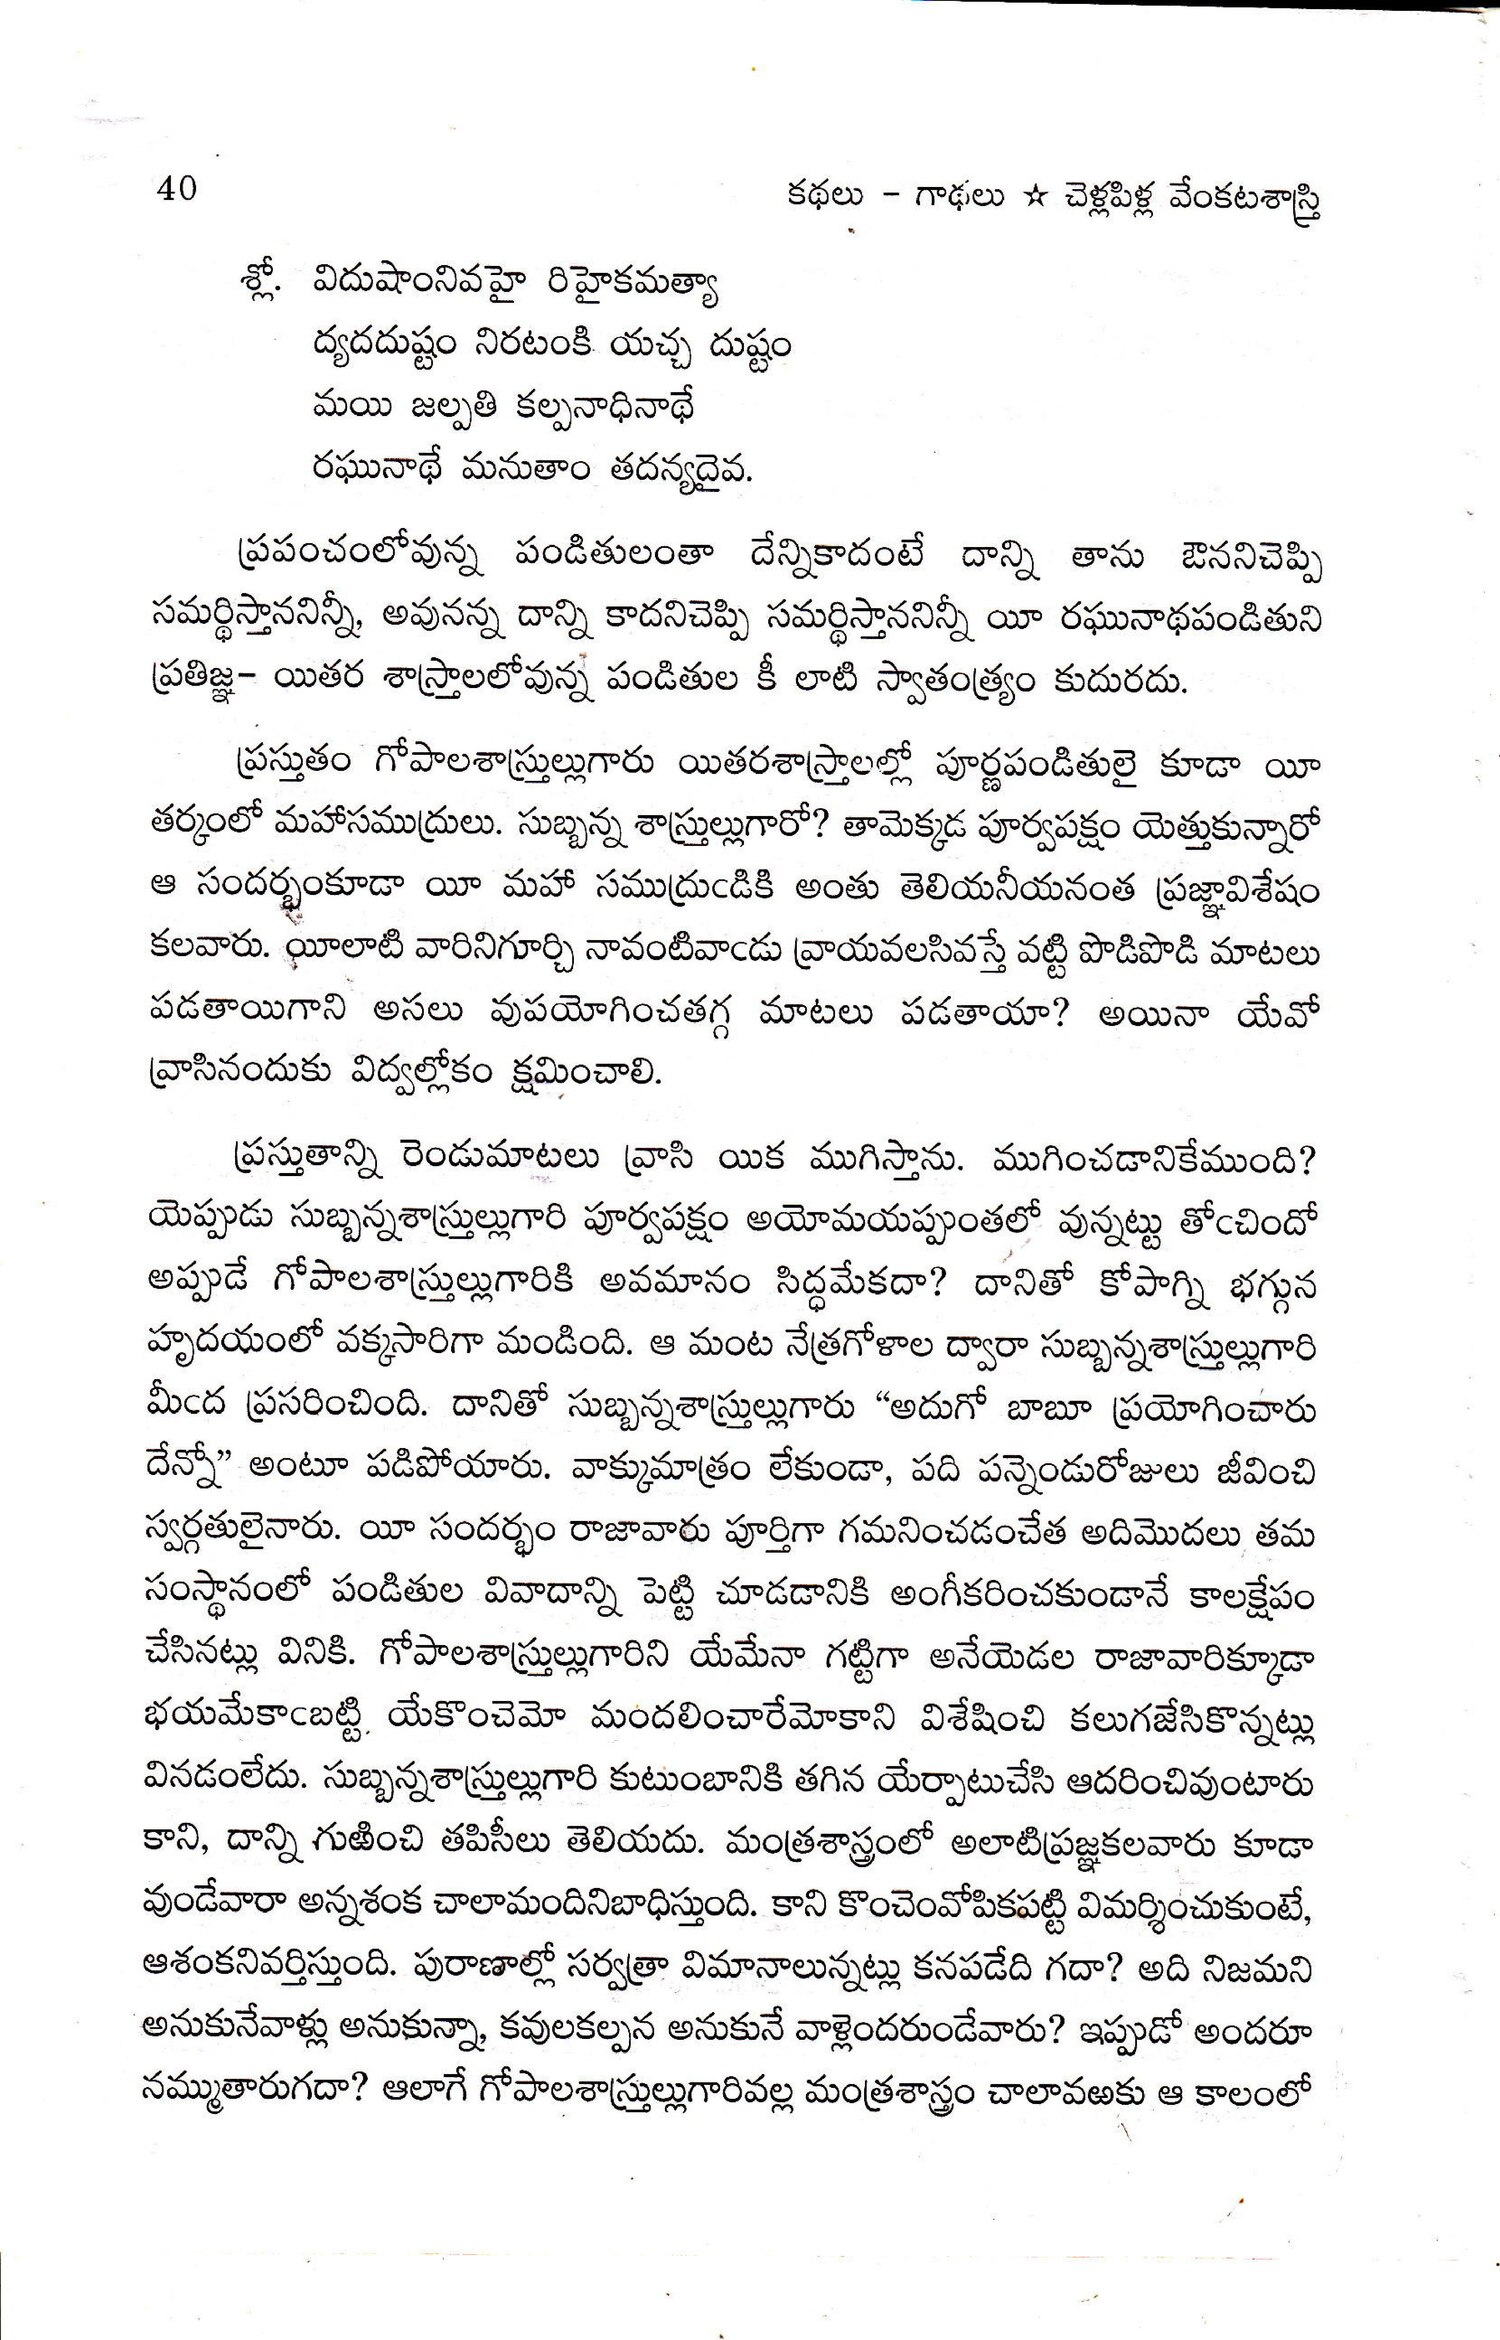శ్లో. విదుషాంనివహై రిహైకమత్యా
ద్యదదుష్టం నిరటంకి యచ్చ దుష్టం 
మయి జల్పతి కల్పనాధినాథే 
రఘునాథే మనుతాం తదన్యదైవ.

ప్రపంచంలోవున్న పండితులంతా దేన్నికాదంటే దాన్ని తాను ఔననిచెప్పి సమర్ధిస్తాననిన్నీ అవునన్న దాన్ని కాదనిచెప్పి సమర్థిస్తాననిన్నీ యీ రఘునాథపండితుని ప్రతిజ్ఞ- యితర శాస్తాలలోవున్న పండితుల కీ లాటి స్వాతంత్ర్యం కుదురదు.

ప్రస్తుతం గోపాలశాస్రుల్లగారు యితరశాస్రాలల్లో పూర్ణపండితులై కూడా యీ తర్కంలో మహాసముద్రులు. సుబ్బన్న శాస్రుల్లుగారో? తామెక్కడ పూర్వపక్షం యెత్తుకున్నారో ఆ సందర్భంకూడా యీ మహా సముద్రుండికి అంతు తెలియనీయనంత ప్రజ్ఞావిశేషం కలవారు. యీలాటి వారినిగూర్చి నావంటివాఁడు వ్రాయవలసివస్తే వట్టి పొడిపొడి మాటలు పడతాయిగాని అసలు వుపయోగించతగ్గ మాటలు పడతాయా? అయినా యేవో వ్రాసినందుకు విద్వల్లోకం క్షమించాలి.

ప్రస్తుతాన్ని రెండుమాటలు వ్రాసి యిక ముగిస్తాను. ముగించడానికేముంది? యెప్పడు సుబ్బన్నశాస్రుల్లుగారి పూర్వపక్షం అయోమయప్పంతలో వున్నట్టు తోంచిందో అప్పుడే గోపాలశాస్రుల్లుగారికి అవమానం సిద్ధమేకదా? దానితో కోపాగ్ని భగ్గున హృదయంలో వక్కసారిగా మండింది. ఆ మంట నేత్రగోళాల ద్వారా సుబ్బన్నశాస్రుల్లుగారి మీంద ప్రసరించింది. దానితో సుబ్బన్నశాస్రుల్లుగారు “అదుగో బాబూ ప్రయోగించారు దేన్నో అంటూ పడిపోయారు. వాక్కుమాత్రం లేకుండా, పది పన్నెండురోజులు జీవించి స్వర్గతులైనారు. యీ సందర్భం రాజావారు పూర్తిగా గమనించడంచేత అదిమొదలు తమ సంస్థానంలో పండితుల వివాదాన్ని పెట్టి చూడడానికి అంగీకరించకుండానే కాలక్షేపం చేసినట్లు వినికి. గోపాలశాస్రుల్లుగారిని యేమేనా గట్టిగా అనేయెడల రాజావారిక్కూడా భయమేకాCబట్టి యేకొంచెమో మందలించారేమోకాని విశేషించి కలుగజేసికొన్నట్లు వినడంలేదు. సుబ్బన్నశాస్రుల్లుగారి కుటుంబానికి తగిన యేర్పాటుచేసి ఆదరించివుంటారు కాని, దాన్ని గుణించి తపిసీలు తెలియదు. మంత్రశాస్త్రంలో అలాటిప్రజ్ఞకలవారు కూడా వుండేవారా అన్నశంక చాలామందినిబాధిస్తుంది. కాని కొంచెం వోపికపట్టి విమర్శించుకుంటే, ఆశంకనివర్తిస్తుంది. పురాణాల్లో సర్వత్రా విమానాలున్నట్లు కనపడేది గదా? అది నిజమని అనుకునేవాళ్లు అనుకున్నా కవులకల్పన అనుకునే వాళ్లేందరుండేవారు? ఇప్పడో అందరూ నమ్ముతారుగదా? ఆలాగే గోపాలశాస్రుల్లుగారివల్ల మంత్రశాస్త్రం చాలావఱకు ఆ కాలంలో